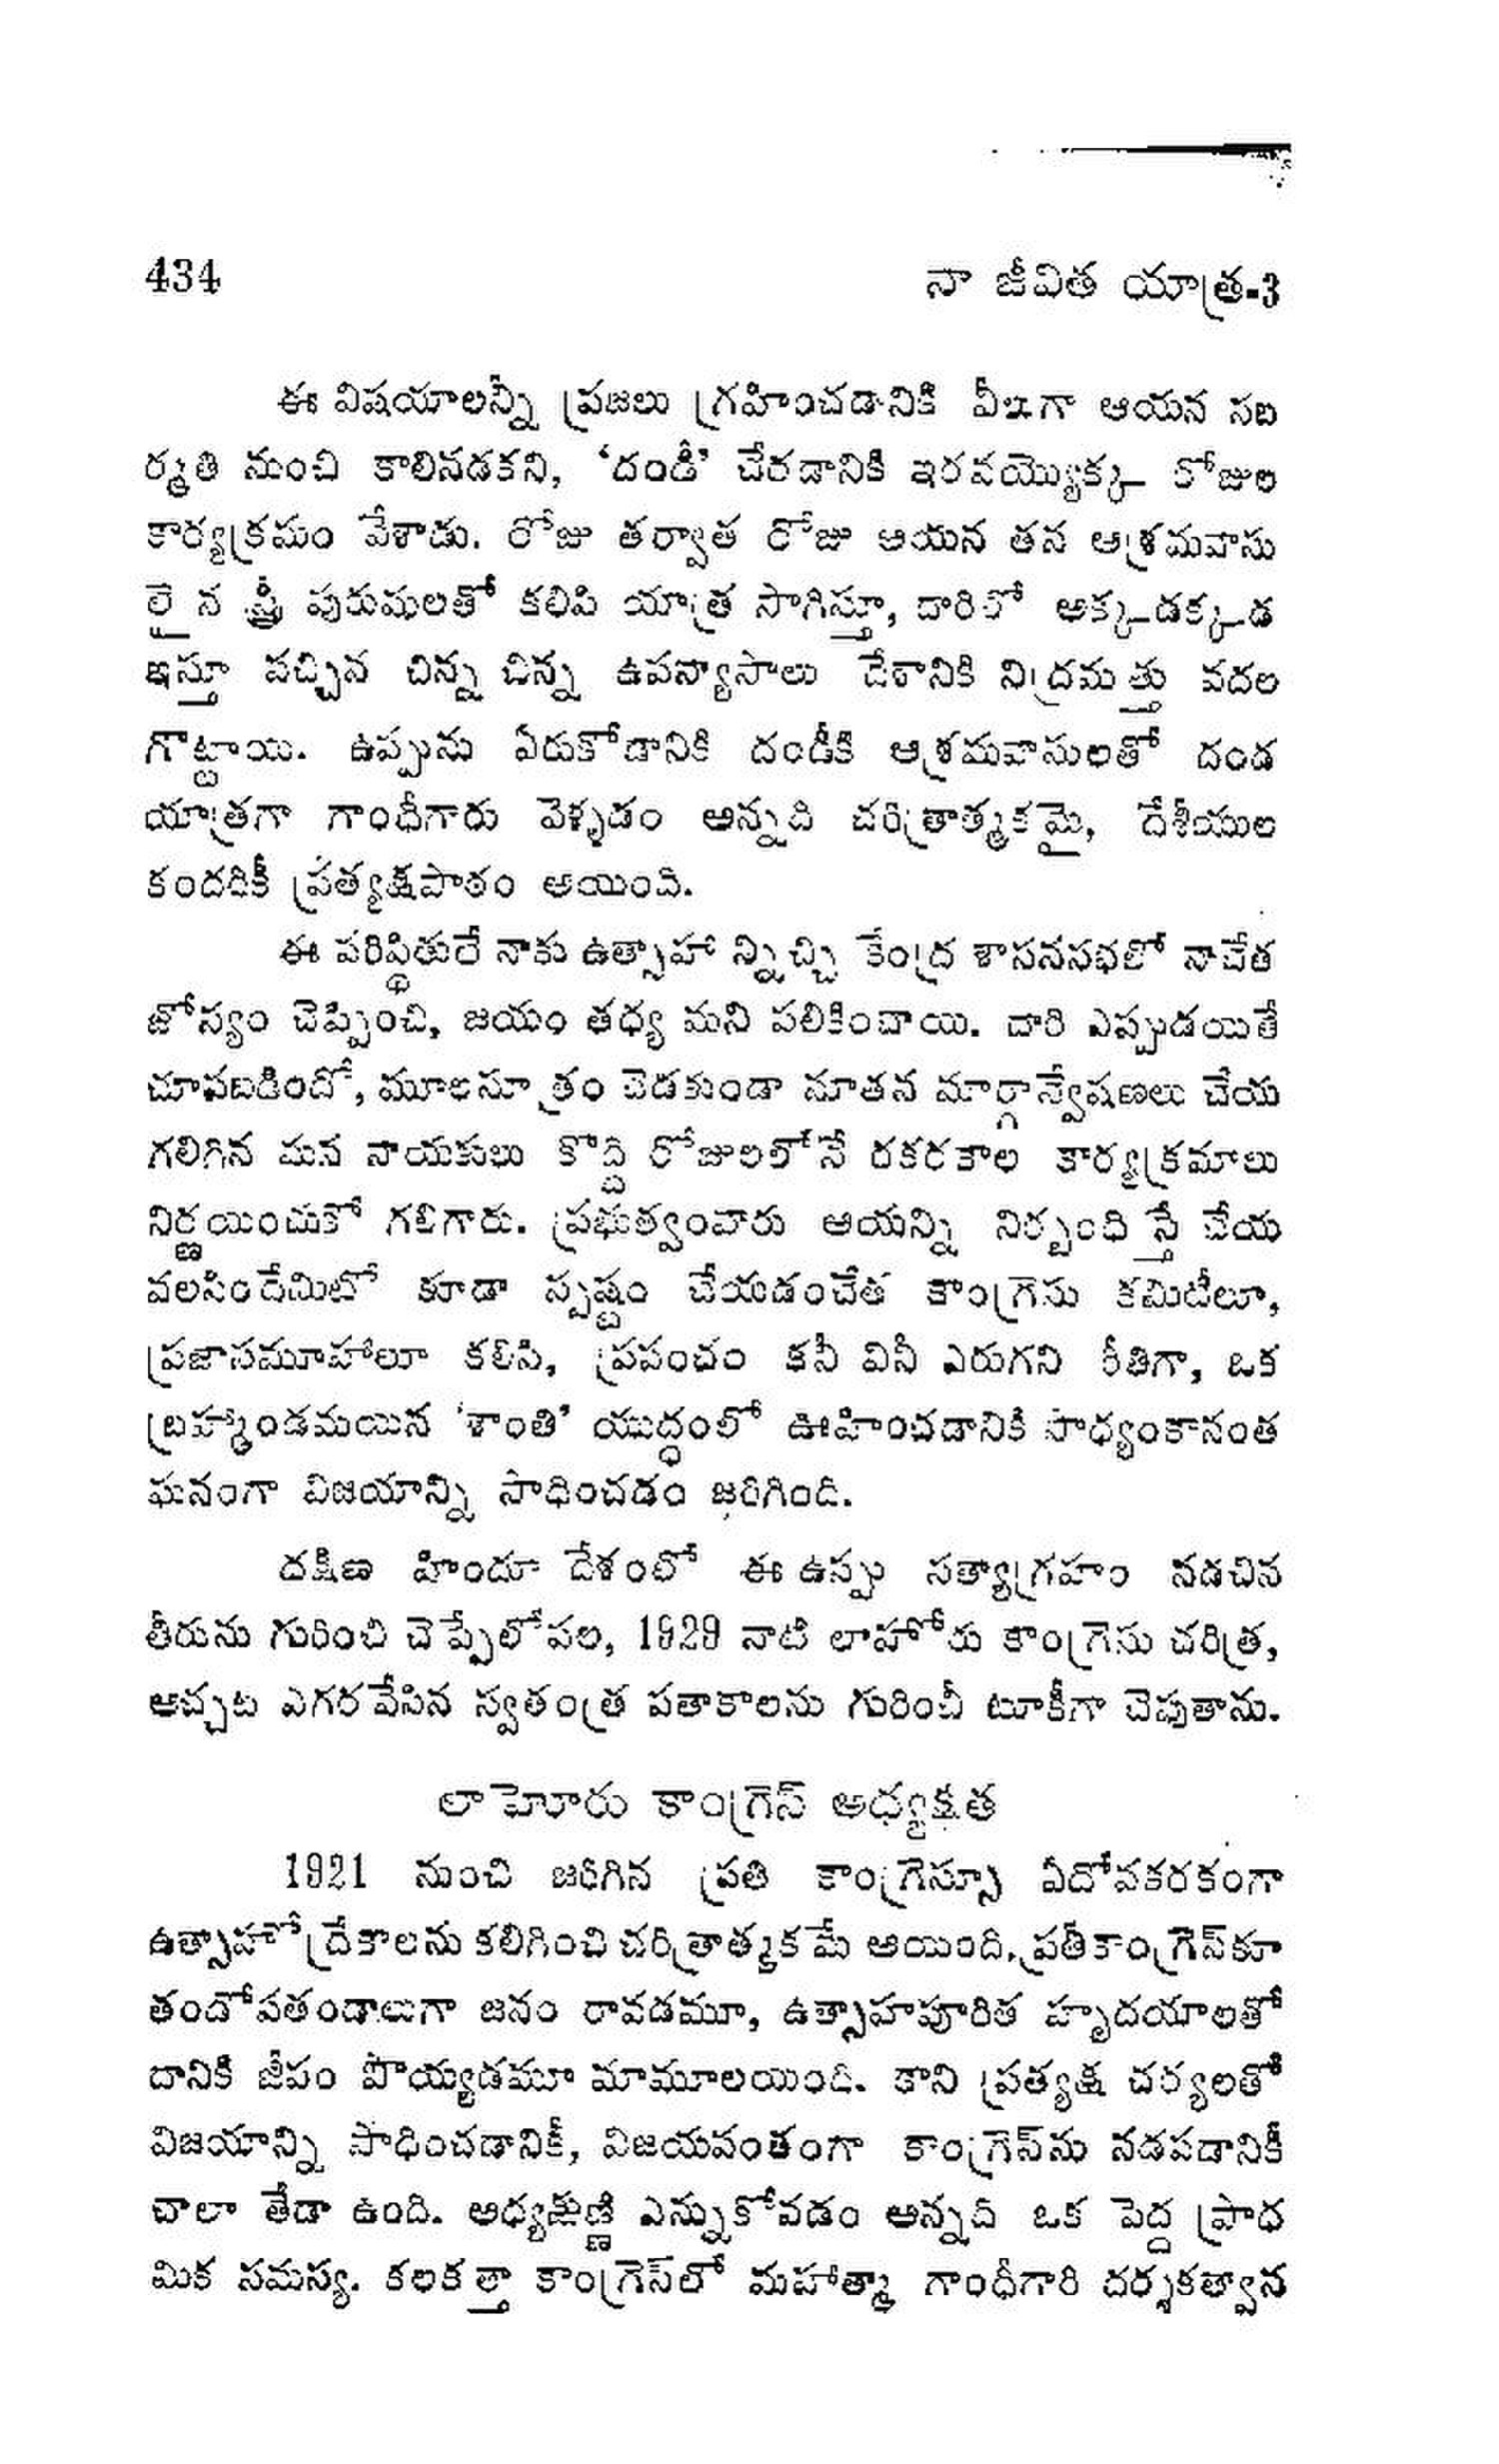ఈ విషయాలన్నీ ప్రజలు గ్రహించడానికి వీలుగా ఆయన సబర్మతి నుంచి కాలినడకని, 'దండీ' చేరడానికి ఇరవయ్యొక్క రోజుల కార్యక్రమం వేశాడు. రోజు తర్వాత రోజు ఆయన తన ఆశ్రమవాసులైన స్త్రీ పురుషులతో కలిపి యాత్ర సాగిస్తూ, దారిలో అక్కడక్కడ ఇస్తూ వచ్చిన చిన్న చిన్న ఉపన్యాసాలు దేశానికి నిద్రమత్తు వదలగొట్టాయి. ఉప్పును ఏరుకోడానికి దండీకి ఆశ్రమవాసులతో దండయాత్రగా గాంధీగారు వెళ్ళడం అన్నది చరిత్రాత్మకమై, దేశీయుల కందరికీ ప్రత్యక్షపాఠం అయింది.

ఈ పరిస్థితులే నాకు ఉత్సాహా న్నిచ్చి కేంద్ర శాసనసభలో నాచేత జోస్యం చెప్పించి, జయం తధ్య మని పలికించాయి. దారి ఎప్పుడయితే చూపబడిందో, మూలసూత్రం చెడకుండా నూతన మార్గాన్వేషణలు చేయగలిగిన మన నాయకులు కొద్ది రోజులలోనే రకరకాల కార్యక్రమాలు నిర్ణయించుకో గలిగారు. ప్రభుత్వంవారు ఆయన్ని నిర్భందిస్తే చేయవలసిందేమిటో కూడా స్పష్టం చేయడంచేత కాంగ్రెసు కమిటీలూ, ప్రజాసమూహాలూ కలిసి, ప్రపంచం కనీ వినీ ఎరుగని రీతిగా, ఒక బ్రహ్మాండమయిన 'శాంతి' యుద్ధంలో ఊహించడానికి సాధ్యంకానంత ఘనంగా విజయాన్ని సాధించడం జరిగింది.

దక్షిణ హిందూ దేశంలో ఈ ఉప్పు సత్యాగ్రహం నడచిన తీరును గురించి చెప్పేలోపల, 1929 నాటి లాహోరు కాంగ్రెసు చరిత్ర, అచ్చట ఎగరవేసిన స్వతంత్ర పతాకాలను గురించీ టూకీగా చెపుతాను.

1921 నుంచి జరిగిన ప్రతి కాంగ్రెస్సూ ఏదోవకరకంగా ఉత్సాహోద్రేకాలను కలిగించి చరిత్రాత్మకమే అయింది. ప్రతీకాంగ్రెస్‌కూ తండోపతండాలుగా జనం రావడమూ, ఉత్సాహపూరిత హృదయాలతో దానికి జీవం పొయ్యడమూ మామాలయింది. కాని ప్రత్యక్ష చర్యలతో విజయాన్ని సాధించడానికీ, విజయవంతంగా కాంగ్రెస్‌ను నడపడానికీ చాలా తేడా ఉంది. అధ్యక్షుణ్ణి ఎన్నుకోవడం అన్నది ఒక పెద్ద ప్రాధమిక సమస్య. కలకత్తా కాంగ్రెస్‌లో మహాత్మా గాంధీగారి దర్శకత్వాన